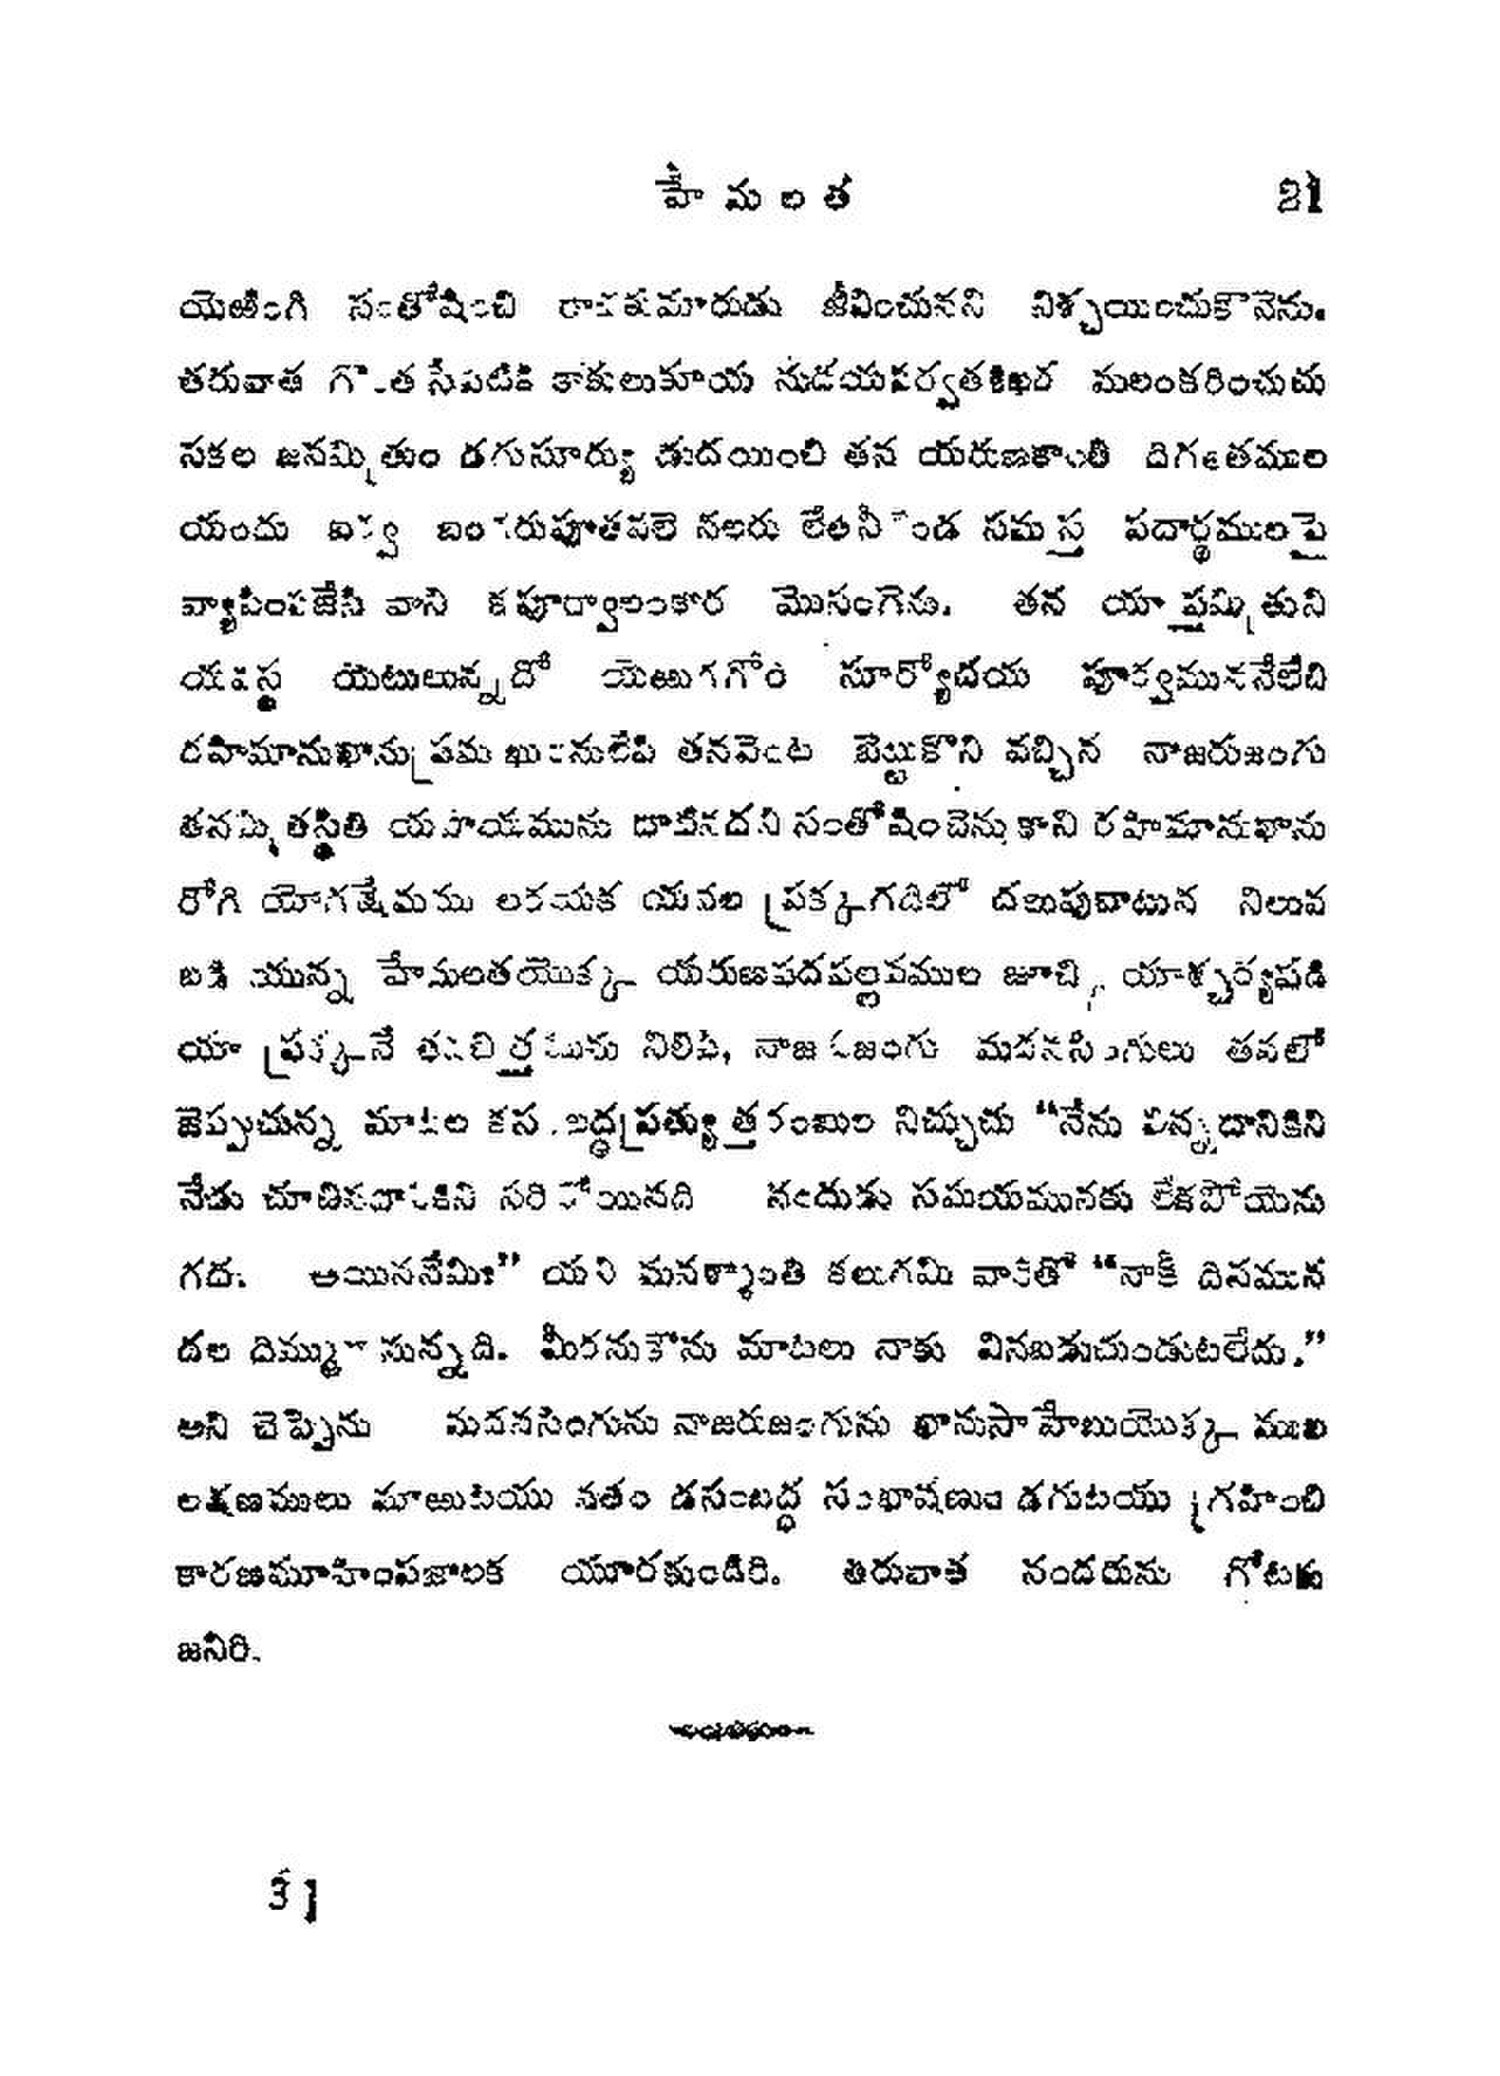యెఱింగి సంతోషించి రాచకుమారుడు జీవించునని నిశ్చయించుకొనెను. తరువాత గొంతసేపటికి కాకులుకూయ నుదయపర్వతశిఖర మలంకరించుచు సకల జనమిత్రుం డగుసూర్యుడుదయించి తన యరుణకాంతి దిగంతముల యందు బర్వ బంగరుపూతవలె నలరు లేత నీరెండ సమస్త పదార్థములపై వ్యాపింప జేసి వాని కపూర్వాలంకార మొసంగెను. తన యాప్తమిత్రుని యవస్థ యెటులున్నదో యెఱుగగోరి సూర్యోదయ పూర్వముననేలేచి రహిమానుఖాను ప్రముఖులనులేపి తనవెంట బెట్టుకొని వచ్చిన నాజరుజంగు తనమిత్రస్థితి యపాయమును దాటినదని సంతోషించెను కాని రహిమానుఖాను రోగి యోగక్షేమము లరయక యవల ప్రక్కగదిలో దలుపుచాటున నిలువబడి యున్న హేమలత యొక్క యరుణపదపల్లవముల జూచి యాశ్చర్యపడి యా ప్రక్కనే తనచిత్తమును నిలిపి, నాజరజంగు మదనసింగులు తనలో జెప్పుచున్న మాటల కసంబద్ధప్రత్యుత్తరంబుల నిచ్చుచు “నేను విన్నదానికిని నేడు చూచినదానికిని సరిపోయినది. నందుడు సమయమునకు లేకపోయెను గద. అయిననేమి?” యని మనశ్శాంతి కలుగమి వారితో “నాకీ దినమున దల దిమ్ముగానున్నది. మీరనుకొను మాటలు నాకు వినబడుచుండుటలేదు.” అని చెప్పెను. మదనసింగును నాజర జంగును ఖానుసాహేబు యొక్క ముఖలక్షణములు మాఱుటయు నతం డసంబద్ధ సంభాషణుండగుటయు గ్రహించి కారణమూహింపజాలక యూరకుండిరి. తరువాత నందరును గోటకు జనిరి.